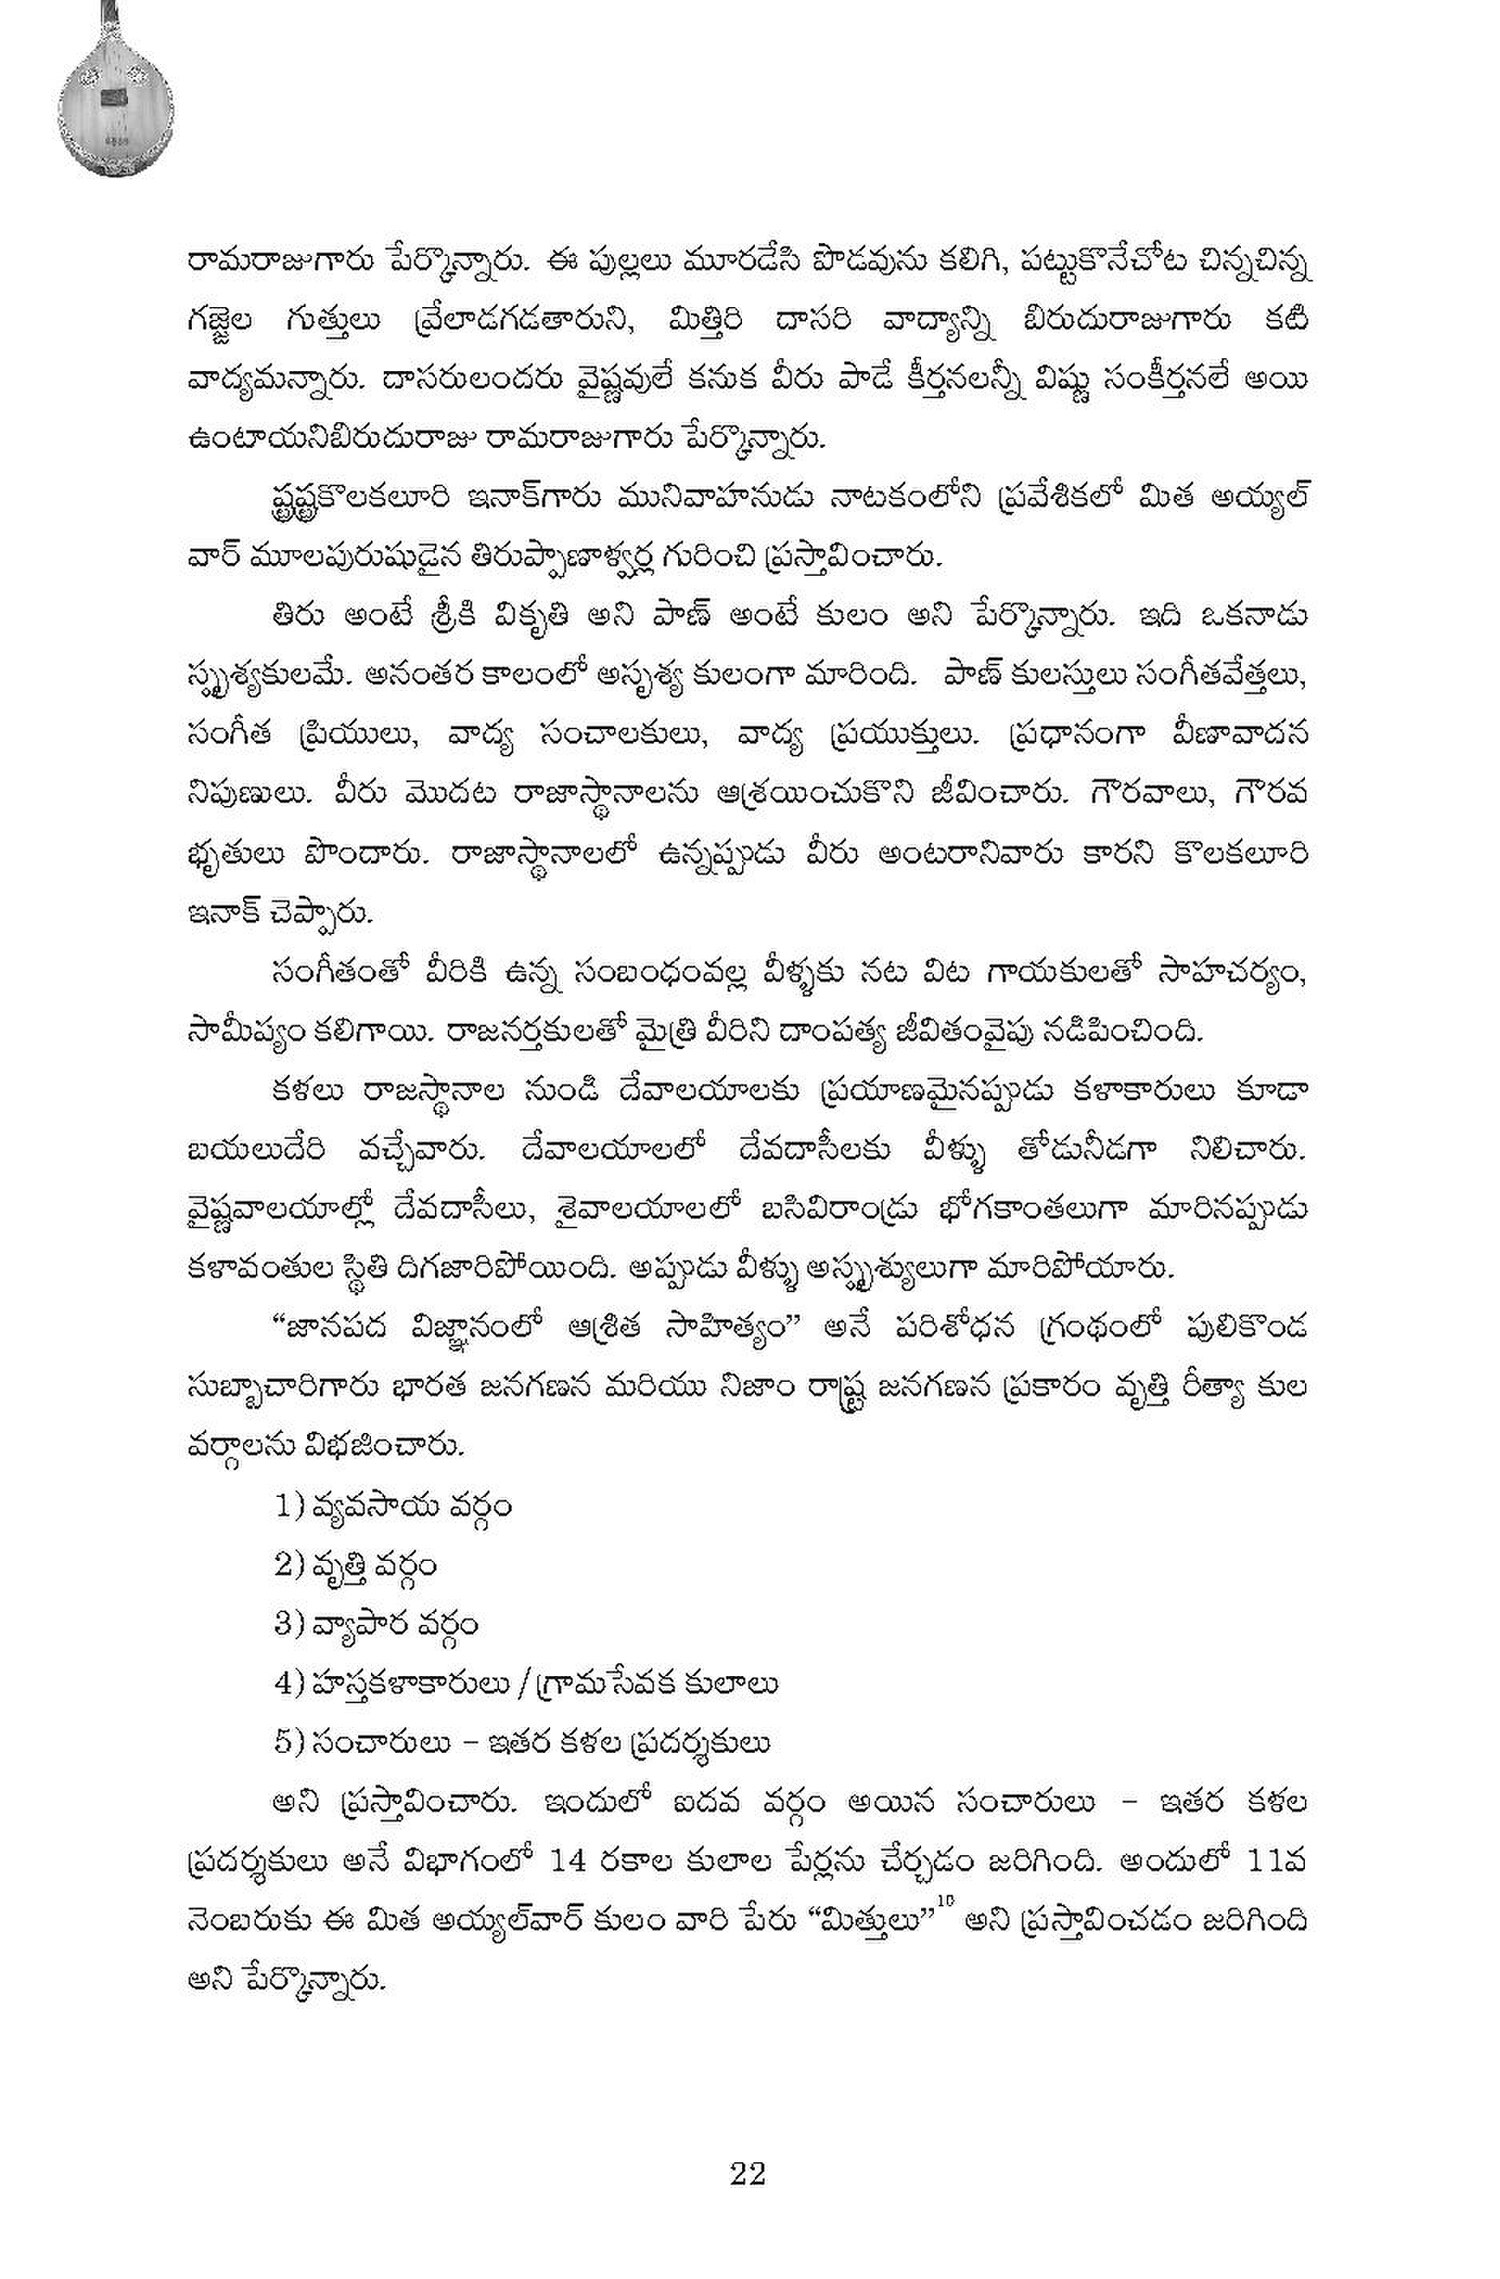రామరాజుగారు పేర్కొన్నారు. ఈ పుల్లలు మూరడేసి పొడవును కలిగి, పట్టుకొనేచోట చిన్నచిన్న గజ్జెల గుత్తులు వ్రేలాడ గడతారుని, మిత్తిరి దాసరి వాద్యాన్ని బిరుదురాజుగారు కటి వాద్యమన్నారు. దాసరులందరు వైష్ణవులే కనుక వీరు పాడే కీర్తనలన్నీ విష్ణు సంకీర్తనలే అయి ఉంటాయని బిరుదురాజు రామరాజుగారు పేర్కొన్నారు.

ప్రష్టకొలకలూరి ఇనాక్ గారు మునివాహనుడు నాటకంలోని ప్రవేశికలో మిత అయ్యల్ వార్ మూలపురుషుడైన తిరుప్పాణాళ్వర్ల గురించి ప్రస్తావించారు.

తిరు అంటే శ్రీకి వికృతి అని పాణ్ అంటే కులం అని పేర్కొన్నారు. ఇది ఒకనాడు స్పృశ్యకులమే. అనంతర కాలంలో అసృశ్య కులంగా మారింది. పాణ్ కులస్తులు సంగీతవేత్తలు, సంగీత ప్రియులు, వాద్య సంచాలకులు, వాద్య ప్రయుక్తులు. ప్రధానంగా వీణావాదన నిపుణులు. వీరు మొదట రాజాస్థానాలను ఆశ్రయించుకొని జీవించారు. గౌరవాలు, గౌరవ భృతులు పొందారు. రాజాస్థానాలలో ఉన్నప్పుడు వీరు అంటరానివారు కారని కొలకలూరి ఇనాక్ చెప్పారు.

సంగీతంతో వీరికి ఉన్న సంబంధంవల్ల వీళ్ళకు నట విట గాయకులతో సాహచర్యం, సామీప్యం కలిగాయి. రాజనర్తకులతో మైత్రి వీరిని దాంపత్య జీవితంవైపు నడిపించింది.

కళలు రాజస్థానాల నుండి దేవాలయాలకు ప్రయాణమైనప్పుడు కళాకారులు కూడా బయలుదేరి వచ్చేవారు. దేవాలయాలలో దేవదాసీలకు వీళ్ళు తోడునీడగా నిలిచారు. వైష్ణవాలయాల్లో దేవదాసీలు, శైవాలయాలలో బసివిరాండ్రు భోగకాంతలుగా మారినప్పుడు కళావంతుల స్థితి దిగజారిపోయింది. అప్పుడు వీళ్ళు అస్పృశ్యులుగా మారిపోయారు.

“జానపద విజ్ఞానంలో ఆశ్రిత సాహిత్యం" అనే పరిశోధన గ్రంథంలో పులికొండ సుబ్బాచారిగారు భారత జనగణన మరియు నిజాం రాష్ట్ర జనగణన ప్రకారం వృత్తి రీత్యా కుల వర్గాలను విభజించారు.

1) వ్యవసాయ వర్గం
2) వృత్తి వర్గం
3) వ్యాపార వర్గం
4) హస్తకళాకారులు / గ్రామసేవక కులాలు
5) సంచారులు - ఇతర కళల ప్రదర్శకులు

అని ప్రస్తావించారు. ఇందులో ఐదవ వర్గం అయిన సంచారులు ఇతర కళల ప్రదర్శకులు అనే విభాగంలో 14 రకాల కులాల పేర్లను చేర్చడం జరిగింది. అందులో 11వ నెంబరుకు ఈ మిత అయ్యల్వార్ కులం వారి పేరు "మిత్తులు”” అని ప్రస్తావించడం జరిగింది అని పేర్కొన్నారు.